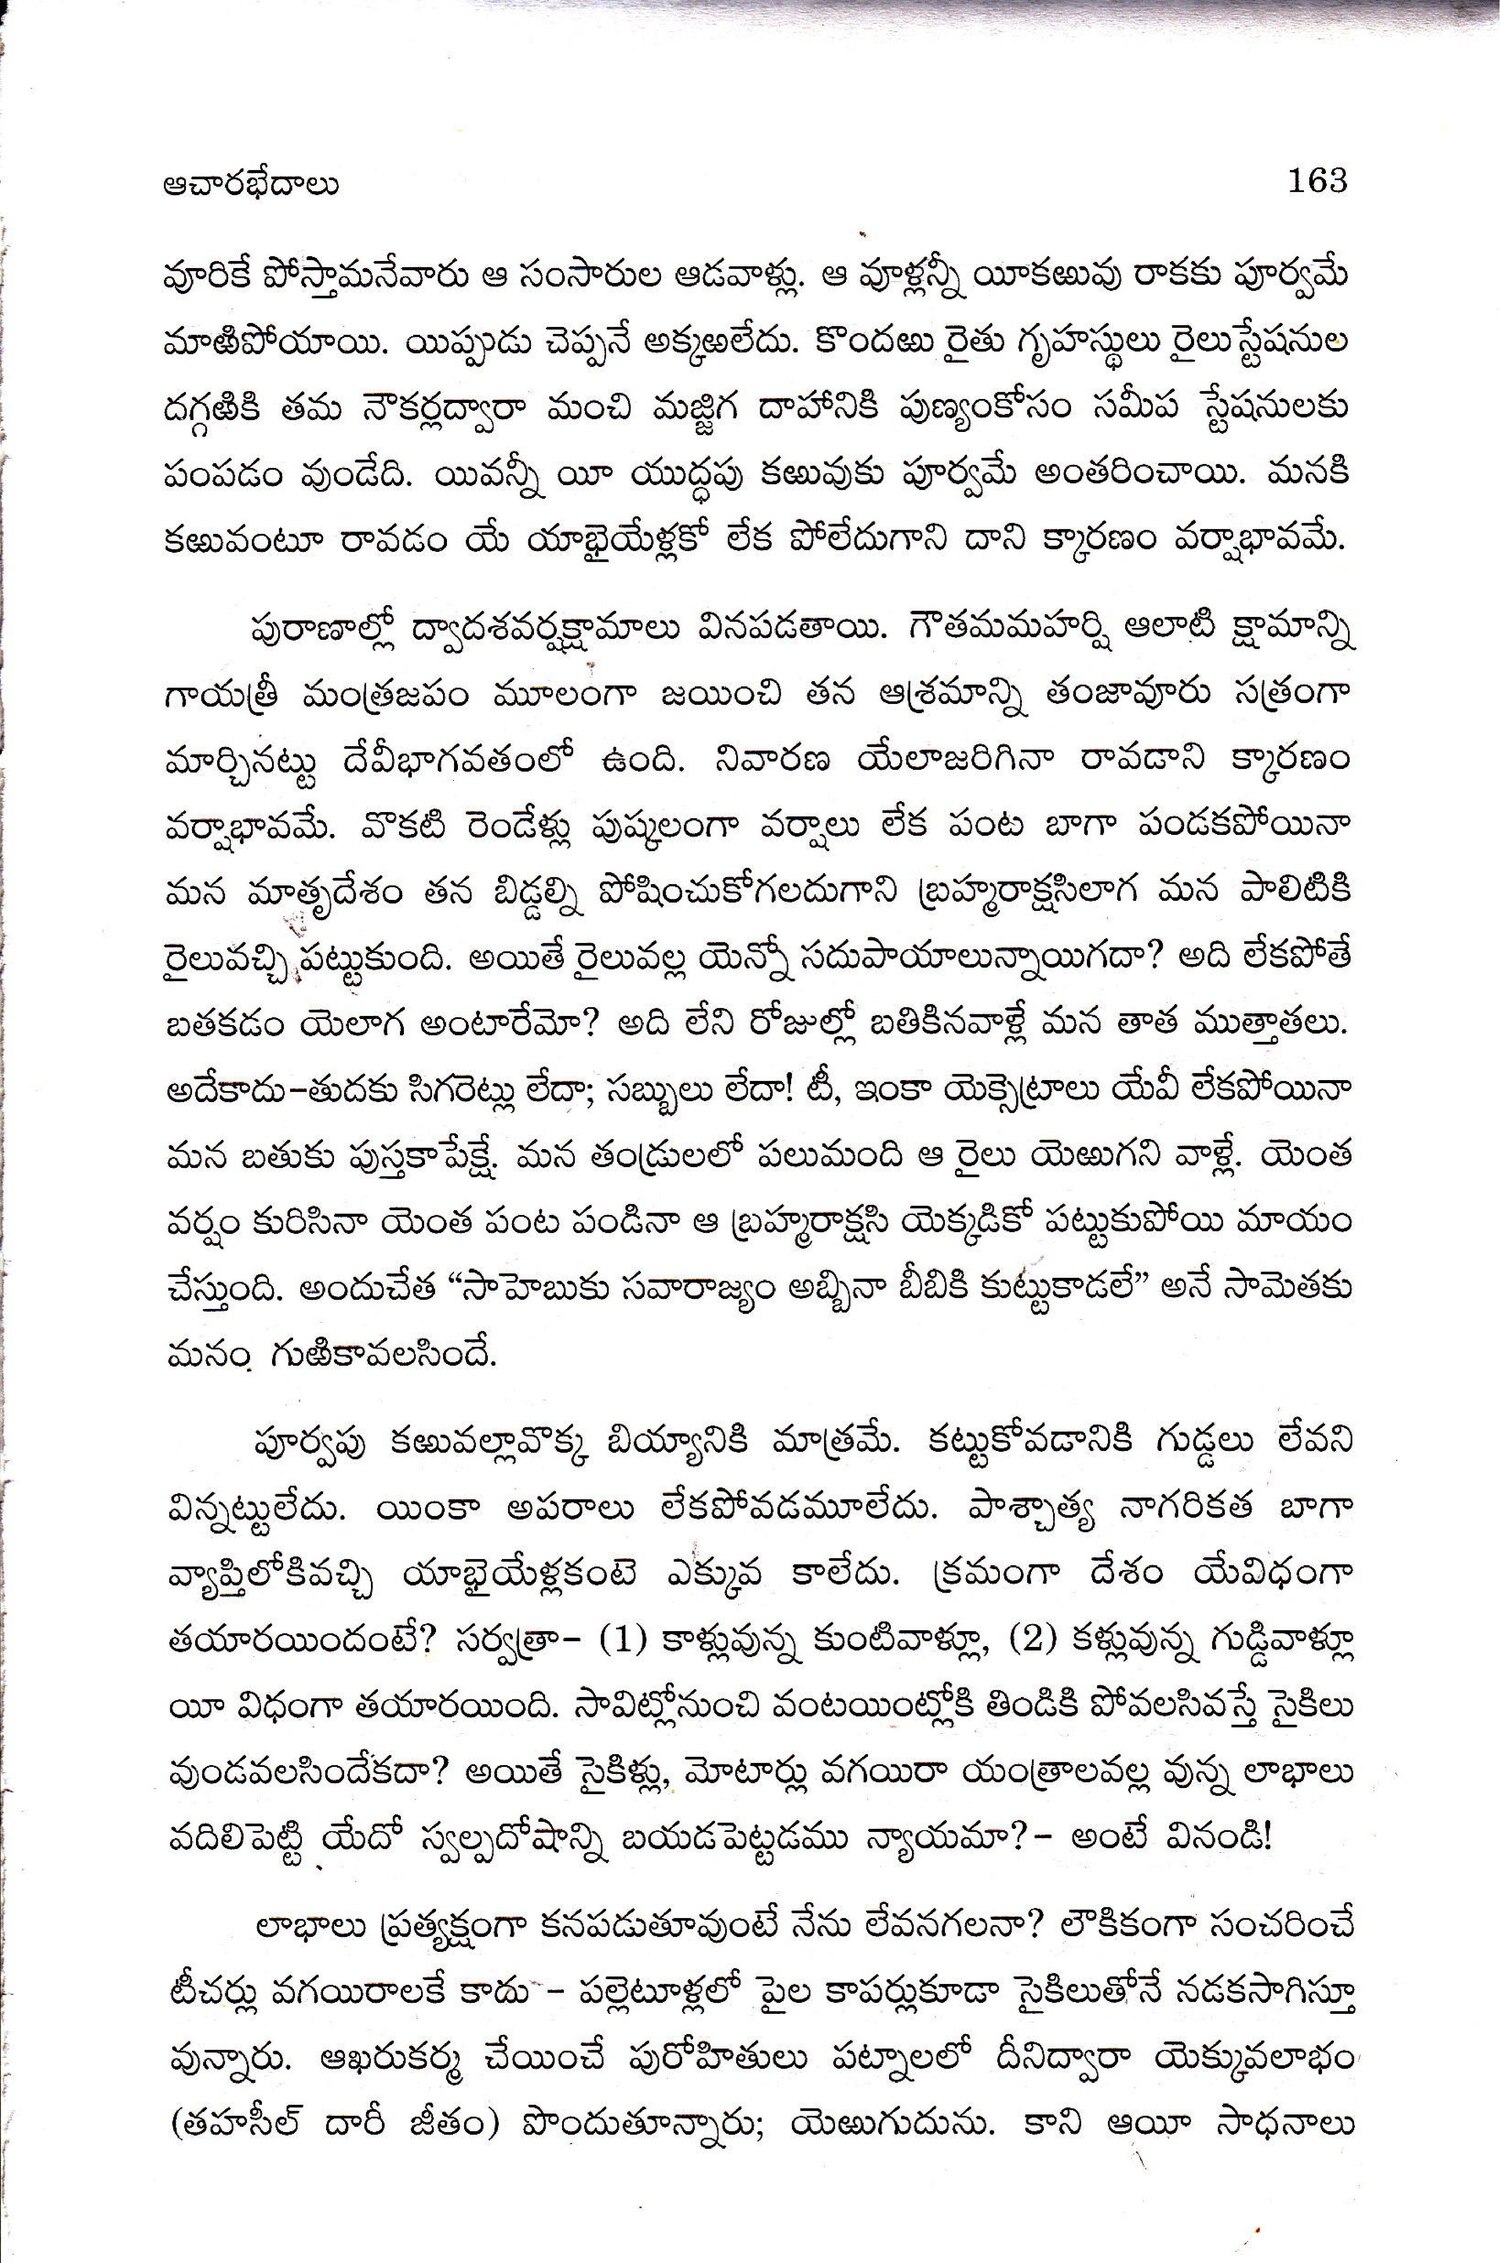వూరికే పోస్తామనేవారు ఆ సంసారుల ఆడవాళ్లు. ఆ వూళ్లన్నీ యీకఱువు రాకకు పూర్వమే మాఱిపోయాయి. యిప్పుడు చెప్పనే అక్కఱలేదు. కొందఱు రైతు గృహస్థులు రైలుస్టేషనుల దగ్గఱకి తమ నౌకర్లద్వారా మంచి మజ్జిగ దాహానికి పుణ్యంకోసం సమీప స్టేషనులకు పంపడం వుండేది. యివన్నీ యీ యుద్ధపు కఱువుకు పూర్వమే అంతరించాయి. మనకి కఱువంటూ రావడం యే యాభైయేళ్లకో లేక పోలేదుగాని దాని క్కారణం వర్షాభావమే.

పురాణాల్లో ద్వాదశవర్షక్షామాలు వినపడతాయి. గౌతమమహర్షి ఆలాటి క్షామాన్ని గాయత్రీ మంత్రజపం మూలంగా జయించి తన ఆశ్రమాన్ని తంజావూరు సత్రంగా మార్చినట్టు దేవీభాగవతంలో ఉంది. నివారణ యేలాజరిగినా రావడాని క్మారణం వర్షాభావమే. వొకటి రెండేళ్లు పుష్కలంగా వర్షాలు లేక పంట బాగా పండకపోయినా మన మాతృదేశం తన బిడ్డల్ని పోషించుకోగలదుగాని బ్రహ్మరాక్షసిలాగ మన పాలిటికి రైలువచ్చిపట్టుకుంది. అయితే రైలువల్ల యెన్నో సదుపాయాలున్నాయిగదా? అది లేకపోతే బతకడం యెలాగ అంటారేమో? అది లేని రోజుల్లో బతికినవాళ్లే మన తాత ముత్తాతలు. అదేకాదు-తుదకు సిగరెట్లు లేదా సబ్బులు లేదా! టీ, ఇంకా యెక్సెట్రాలు యేవీ లేకపోయినా మన బతుకు పుస్తకాపేక్షే మన తండ్రులలో పలుమంది ఆ రైలు యెఱుగని వాళ్లే యెంత వర్షం కురిసినా యెంత పంట పండినా ఆ బ్రహ్మరాక్షసి యెక్కడికో పట్టుకుపోయి మాయం చేస్తుంది. అందుచేత “సాహెబుకు సవారాజ్యం అబ్బినా బీబికి కుట్టుకాడలే" అనే సామెతకు మనం గుఱికావలసిందే.

పూర్వపు కఱువల్లావొక్క బియ్యానికి మాత్రమే. కట్టుకోవడానికి గుడ్డలు లేవని విన్నట్టులేదు. యింకా అపరాలు లేకపోవడమూలేదు. పాశ్చాత్య నాగరికత బాగా వ్యాప్తిలోకివచ్చి యాభైయేళ్లకంటె ఎక్కువ కాలేదు. క్రమంగా దేశం యేవిధంగా తయారయిందంటే? సర్వత్రా- (1) కాళ్లువున్న కుంటివాళ్లూ, (2) కళ్లువున్న గుడ్డివాళ్లూ యీ విధంగా తయారయింది. సావిట్లోనుంచి వంటయింట్లోకి తిండికి పోవలసివస్తే సైకిలు వుండవలసిందేకదా? అయితే సైకిళ్లు, మోటార్లు వగయిరా యంత్రాలవల్ల వున్న లాభాలు వదిలిపెట్టి యేదో స్వల్పదోషాన్ని బయడపెట్టడము న్యాయమా?- అంటే వినండి!

లాభాలు ప్రత్యక్షంగా కనపడుతూవుంటే నేను లేవనగలనా? లౌకికంగా సంచరించే టీచర్లు వగయిరాలకే కాదు - పల్లెటూళ్లలో పైల కాపర్లుకూడా సైకిలుతోనే నడకసాగిస్తూ వున్నారు. ఆఖరుకర్మ చేయించే పురోహితులు పట్నాలలో దీనిద్వారా యెక్కువలాభం (తహసీల్ దారీ జీతం) పొందుతూన్నారు; యెఱుగుదును. కాని ఆయీ సాధనాలు